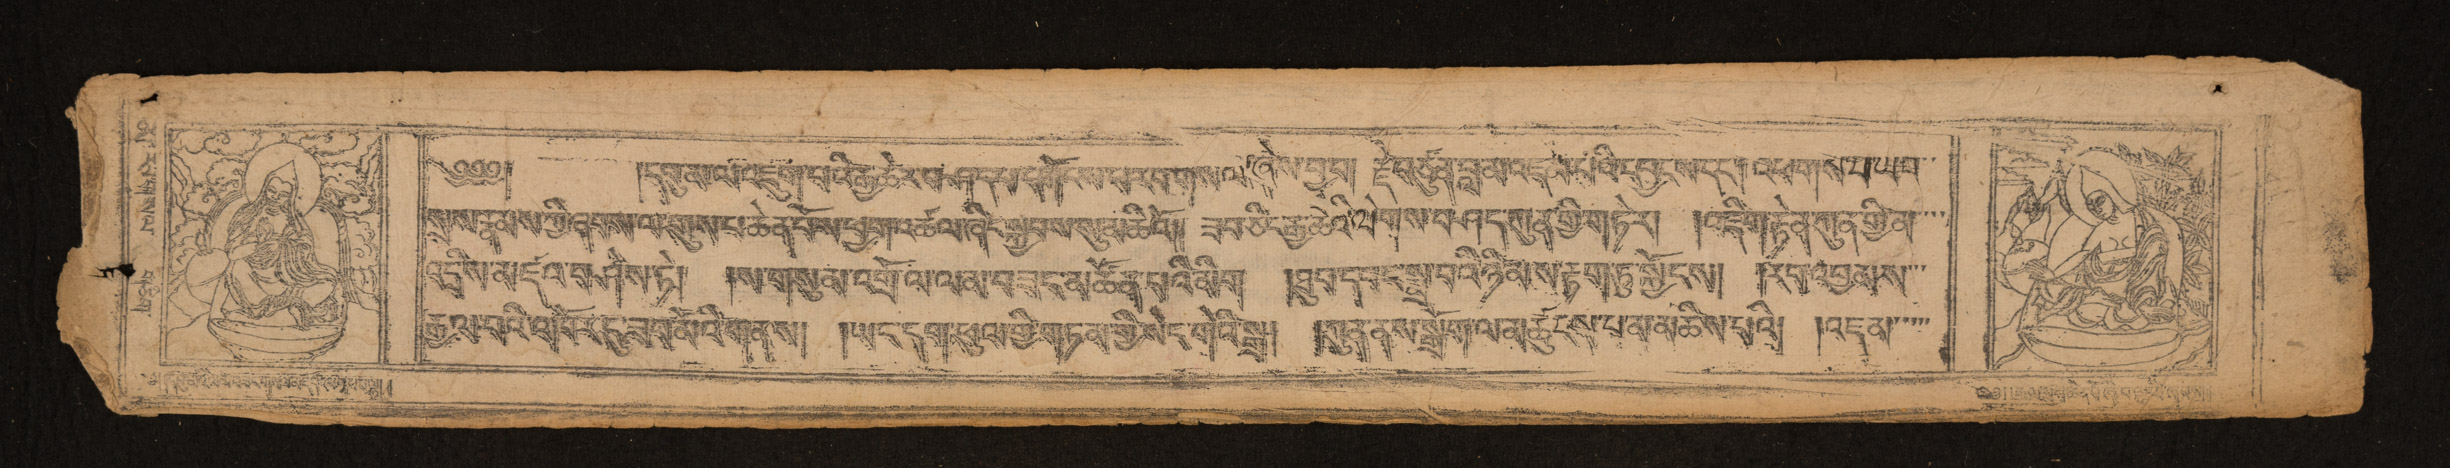༄༅། །དབུ་མ་ལ་འཇུག་པའི་རྒྱ་ཆེར་བཤད་པ་དགོངས་པ་རབ་གསལ་ཞེས་བྱ་བ། རྗེ་བཙུན་བླ་མ་འཇམ་པའི་དབྱངས་དང་། འཕགས་པ་ཡབ་
སྲས་རྣམས་ཀྱི་ཞབས་ལ་གུས་པ་ཆེན་པོས་ཕྱག་འཚལ་ཞིང་སྐྱབས་སུ་མཆིའོ།། ཟབ་ཅིང་རྒྱ་ཆེའི་ལེགས་བཤད་ཀུན་གྱི་གཏེར། །འཇིག་རྟེན་ཀུན་གྱི་མ་
འདྲིས་མཛའ་བཤེས་ཏེ། །ས་གསུམ་འགྲོ་ལ་ལམ་བཟང་མཚོན་པའི་མིག །ཐུབ་དབང་སྨྲ་བའི་ཉི་མས་རྟག་ཏུ་སྐྱོངས། །རབ་འབྱམས་
རྒྱལ་བའི་འཁོར་དུ་ཟབ་མོའི་གནས། །ཡང་དག་ཕུལ་གྱི་གཏམ་གྱི་སེང་གེའི་སྒྲ། །ཀུན་ནས་སྒྲོག་ལ་མཚུངས་པ་མ་མཆིས་པའི། །འཇམ་